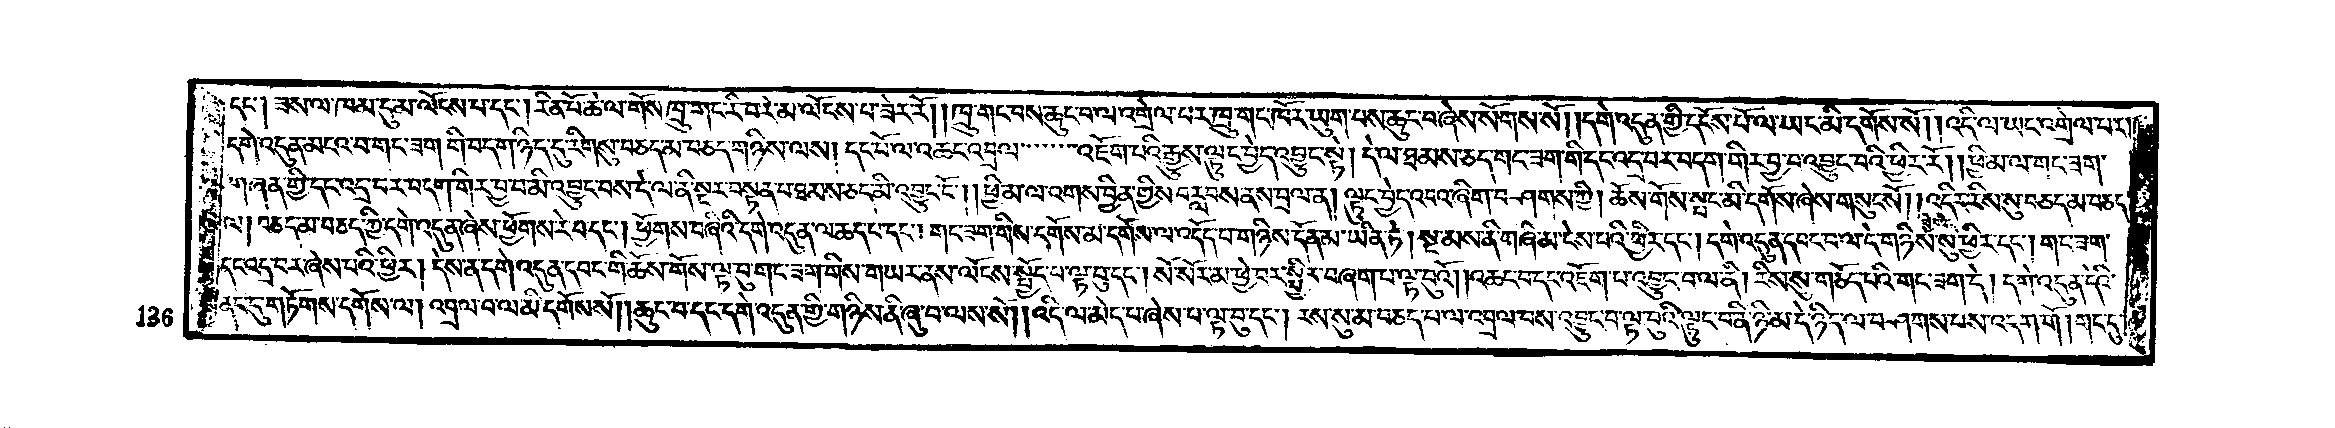དང༑ ཟས་ལ་ཁམ་དུ་མ་ལོངས་པ་དང་། རིན་པོ་ཆེ་ལ་གོས་ཁྲུ་གང་རི་བ་རེ་མ་ལོངས་པ་ཟེར་རོ། །ཁྲུ་གང་བས་ཆུང་བ་ལ་འགྲེལ་པར་ཁྲུ་གང་ཁོར་ཡུག་པས་ཆུང་བ་ཞེས་སོགས་སོ། །དགེ་འདུན་གྱི་དངོས་པོ་ལ་ཡང་མི་དགོས་སོ། །འདི་ལ་ཡང་འགྲེལ་པར་
དགེ་འདུན་མངའ་བ་གང་ཟག་གི་བདག་ཉིད་དུ་རིགས་སུ་བཅད་མ་བཅད་གཉིས་ལས། དང་པོ་ལ་འཆང་འབྲལ་འཇོག་པའི་རྒྱུས་ལྟུང་བྱེད་འབྱུང་སྟེ། དེ་ལ་ཐམས་ཅད་གང་ཟག་གི་དང་འདྲ་བར་བདག་གིར་བྱ་བ་འབྱུང་བའི་ཕྱིར་རོ། །ཕྱི་མ་ལ་གང་ཟག་
གཞན་གྱི་དང་འདྲ་བར་བདག་གིར་བྱ་པ་མི་འབྱུང་བས་དེ་ལ་ནི་སྔར་བསྟན་པ་ཐམས་ཅད་མི་འབྱུང་ངོ། །ཕྱི་མ་ལ་འགས་བྱིན་གྱིས་བརླབས་ནས་བྲལ་ན། ལྟུང་བྱེད་འབའ་ཞིག་བཤགས་ཀྱི། ཆོས་གོས་སྤང་མི་དགོས་ཞེས་གསུངས་སོ། །འདིར་རིས་སུ་བཅད་མ་བཅད་
ལ། བཅད་མ་བཅད་ཀྱི་དགེ་འདུན་ཞེས་ཕྱོགས་རེ་བ་དང་། ཕྱོགས་བཞིའི་དགེ་འདུན་ལ་ཆད་པ་དང་། གང་ཟག་གིས་དགོས་མ་དགོས་ལ་འདོད་པ་གཉིས་དོན་མ་ཡིན་ཏེ། སྔ་མས་ནི་གཞི་མ་ངེས་པའི་ཕྱིར་དང་། དགེ་འདུན་དབང་བ་ལ་དེ་གཉིས་སུ་ཕྱེ་བའི་ཕྱིར་དང་། གང་ཟག་
དང་འདྲ་བར་ཞེས་པའི་ཕྱིར། དེས་ན་དགེ་འདུན་དབང་གི་ཆོས་གོས་ལྟ་བུ་གང་ཟག་གིས་གཡར་ནས་ལོངས་སྤྱོད་པ་ལྟ་བུ་དང་། སོ་སོར་མ་ཕྱེ་བར་སྤྱིར་བཞག་པ་ལྟ་བུའོ། །འཆང་བ་དང་འཇོག་པ་འབྱུང་བ་ལ་ནི། རིས་སུ་གཅོད་པའི་གང་ཟག་དེ། དགེ་འདུན་དེའི་
ནང་དུ་གཏོགས་དགོས་ལ། འབྲལ་བ་ལ་མི་དགོས་སོ། །ཆུང་བ་དང་དགེ་འདུན་གྱི་གཉིས་ནི་ཞུ་བ་ལས་སོ། །འདི་ལ་མེད་པ་ཞེས་པ་ལྟ་བུ་དང་། རིས་སུ་མ་བཅད་པ་ལ་འབྲལ་བས་འབྱུང་བ་ལྟ་བུའི་ལྟུང་བ་ནི་ཉི་མ་དེ་ཉིད་ལ་བཤགས་པས་འདག་གོ །གང་དུ་